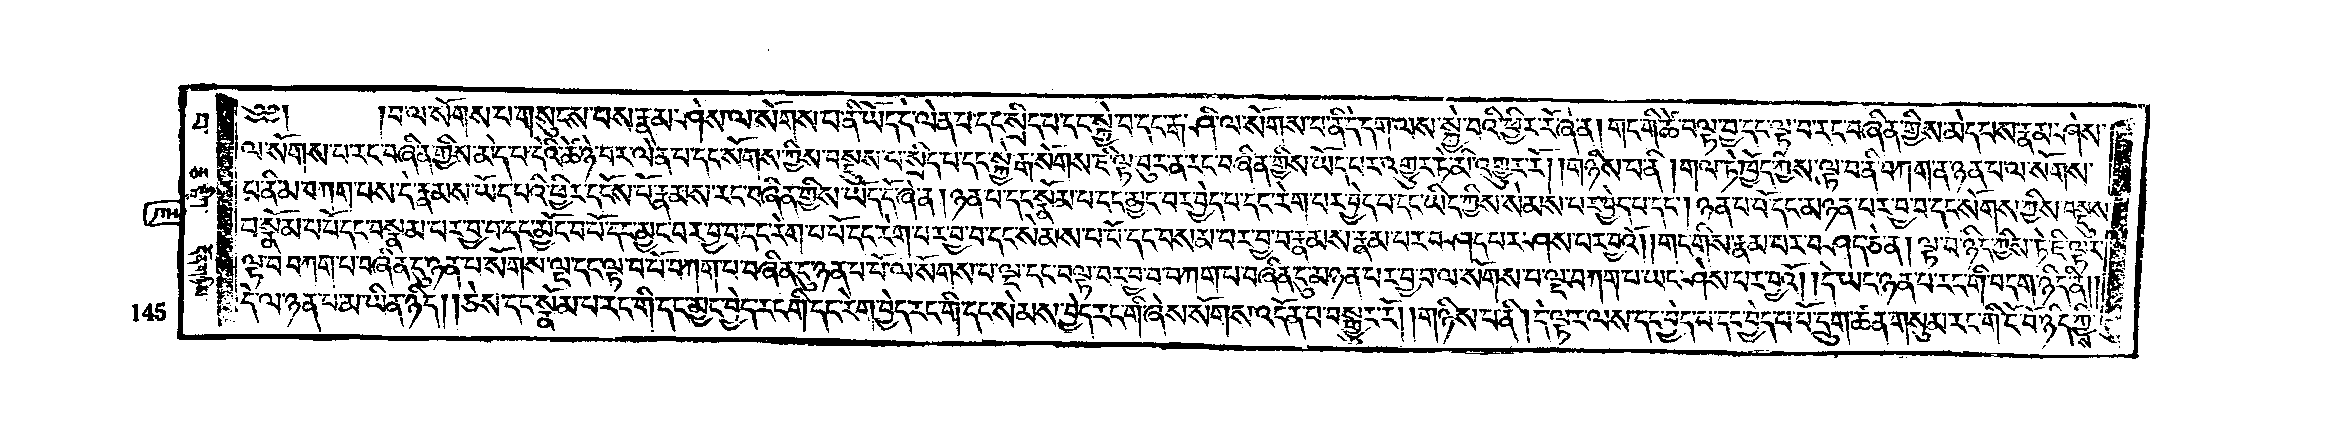༄༅། །བ་ལ་སོགས་པ་གསུངས་པས་རྣམ་ཤེས་ལ་སོགས་པ་ནི་ཡོད་དེ་ལེན་པ་དང་སྲིད་པ་དང་སྐྱེ་བ་དང་རྒ་ཤི་ལ་སོགས་པ་ནི་དེ་དག་ལས་སྐྱེ་བའི་ཕྱིར་རོ་ཞེ་ན། གང་གི་ཚེ་བལྟ་བྱ་དང་ལྟ་བ་རང་བཞིན་གྱིས་མེད་པས་རྣམ་ཤེས་
ལ་སོགས་པ་རང་བཞིན་གྱིས་མེད་པ་དེའི་ཚེ་ཉེ་བར་ལེན་པ་དང་སོགས་ཀྱིས་བསྡུས་པ་སྲིད་པ་དང་སྐྱེ་རྒ་སོགས་ཇི་ལྟ་བུར་ན་རང་བཞིན་གྱིས་ཡོད་པར་འགྱུར་ཏེ་མི་འགྱུར་རོ། །གཉིས་པ་ནི། གལ་ཏེ་ཁྱོད་ཀྱིས་ལྟ་བ་ནི་བཀག་ན་ཉན་པ་ལ་སོགས་
པ་ནི་མ་བཀག་པས་དེ་རྣམས་ཡོད་པའི་ཕྱིར་དངོས་པོ་རྣམས་རང་བཞིན་གྱིས་ཡོད་དོ་ཞེ་ན། ཉན་པ་དང་སྣོམ་པ་དང་མྱང་བར་བྱེད་པ་དང་རེག་པར་བྱེད་པ་དང་ཡིད་ཀྱིས་སེམས་པར་བྱེད་པ་དང་། ཉན་པ་པོ་དང་མཉན་པར་བྱ་བ་དང་སོགས་ཀྱིས་བསྡུས་
པ་སྣོམ་པ་པོ་དང་བསྣམ་པར་བྱ་བ་དང་མྱོང་བ་པོ་དང་མྱང་བར་བྱ་བ་དང་རེག་པ་པོ་དང་རེག་པར་བྱ་བ་དང་སེམས་པ་པོ་དང་བསམ་པར་བྱ་བ་རྣམས་རྣམ་པར་བཤད་པར་ཤེས་པར་བྱའོ། ཉན་པ་པོ་དང་མཉན་པར་བྱ་བ་དང་སོགས་ཀྱིས་བསྡུས་
ལྟ་བ་བཀག་པ་བཞིན་དུ་ཉན་པ་སོགས་ལྔ་དང་ལྟ་བ་པོ་བཀག་པ་བཞིན་དུ་ཉན་པ་པོ་ལ་སོགས་པ་ལྔ་དང་བལྟ་བར་བྱ་བ་བཀག་པ་བཞིན་དུ་མཉན་པར་བྱ་བ་ལ་སོགས་པ་ལྔ་བཀག་པ་ཡང་ཤེས་པར་བྱའོ། །ད་ཡང་ཉན་པ་རང་གི་བདག་ཉིད་ནི། །
དེ་ལ་ཉན་པ་མ་ཡིན་ཉིད། །ཅེས་དང་སྣོམ་པ་རང་གི་དང་མྱང་བྱེད་རང་གི་དང་རེག་བྱེད་རང་གི་དང་སེམས་བྱེད་རང་གི་ཞེས་སོགས་འདོན་པ་བསྒྱུར་རོ། །གཉིས་པ་ནི། དེ་ལྟར་ལས་དང་བྱེད་པ་དང་བྱེད་པ་པོ་དྲུག་ཚན་གསུམ་རང་གི་ངོ་བོ་ཉིད་ཀྱིས་